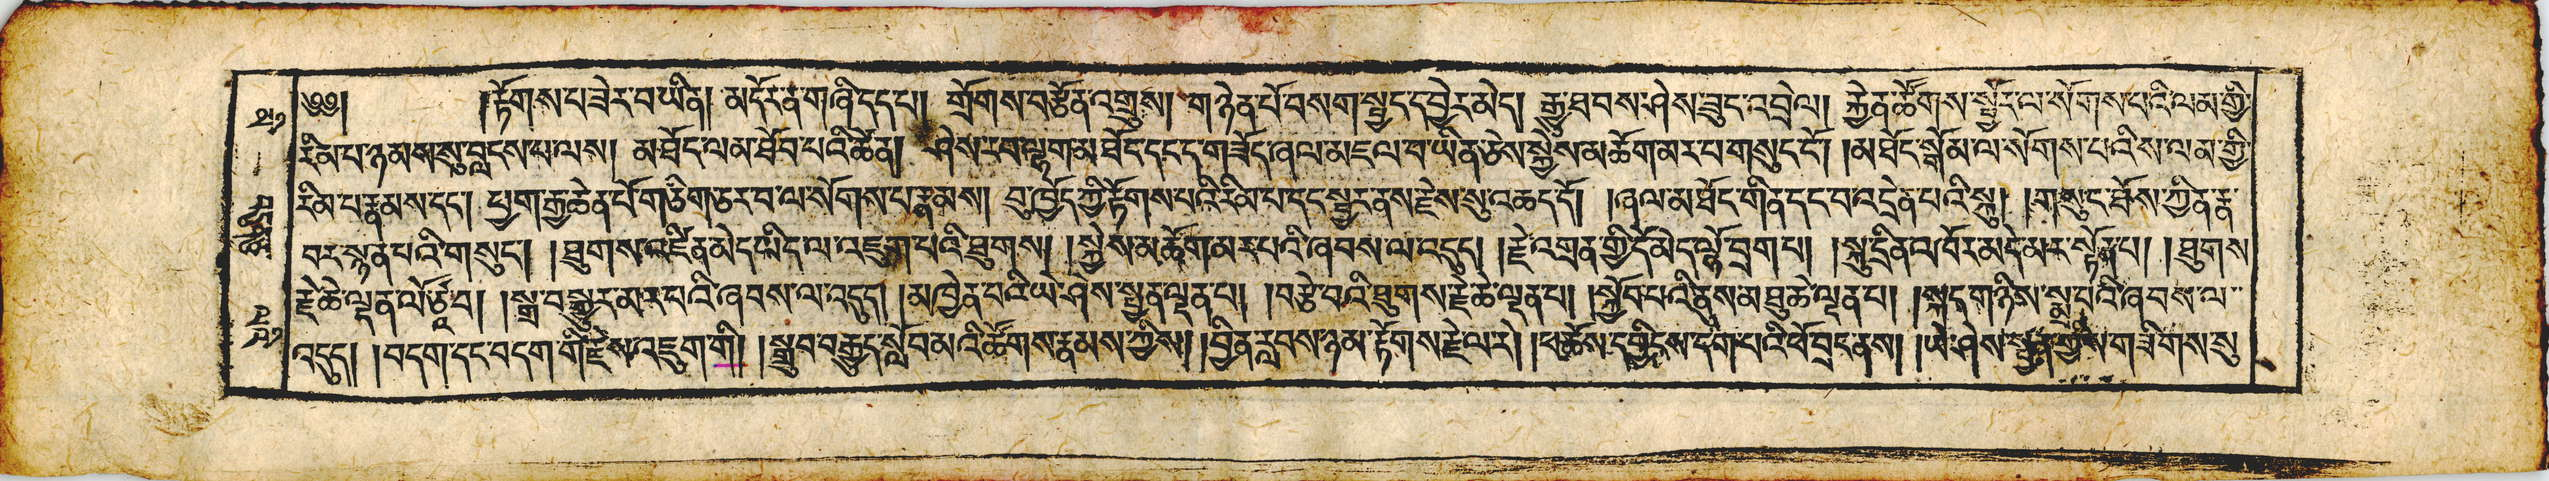རྟོགས་པ་ཟེར་བ་ཡིན། མདོར་ན་གཞི་དད་པ། གྲོགས་བརྩོན་འགྲུས། གཉེན་པོ་བསག་སྦྱང་དབྱེར་མེད། རྒྱུ་ཐབས་ཤེས་ཟུང་འབྲེལ། རྐྱེན་ཚོགས་སྦྱོར་ལ་སོགས་པའི་ལམ་གྱི་
རིམ་པ་ཉམས་སུ་བླངས་པ་ལས། མཐོང་ལམ་ཐོབ་པའི་ཚེ་ན། ཤེས་རབ་ལྷག་མཐོང་དང་ད་གཟོད་ཞལ་མཇལ་བ་ཡིན་ཅེས་སྐྱེས་མཆོག་མར་པ་གསུང་ངོ་། །མཐོང་སྒོམ་ལ་སོགས་པའི་ས་ལམ་གྱི་
རིམ་པ་རྣམས་དང་། ཕྱག་རྒྱ་ཆེན་པོ་གཅིག་ཅར་བ་ལ་སོགས་པ་རྣམས། བུ་ཁྱོད་ཀྱི་རྟོགས་པའི་རིམ་པ་དང་སྦྱར་ནས་རྗེས་སུ་འཆད་དོ། །ཞལ་མཐོང་གིན་དང་བ་འདྲེན་པའི་སྐུ། །གསུང་ཐོས་ཀྱིན་རྣ་
བར་སྙན་པའི་གསུང་། །ཐུགས་འཛིན་མེད་ཡིད་ལ་འཇུག་པའི་ཐུགས། །སྐྱེས་མཆོག་མར་པའི་ཞབས་ལ་འདུད། །རྗེ་འགྲན་གྱི་དོ་མེད་ལྷོ་བྲག་པ། །སྐུ་དྲིན་འཁོར་མེད་མར་སྟོན་པ། །ཐུགས་
རྗེ་ཆེ་ལྡན་ལོ་ཙཱ་བ། །སྒྲ་བསྒྱུར་མར་པའི་ཞབས་ལ་འདུད། །མཁྱེན་པའི་ཡེ་ཤེས་སྤྱན་ལྡན་པ། །བརྩེ་བའི་ཐུགས་རྗེ་ཆེ་ལྡན་པ། །སྐྱོབ་པའི་ནུས་མཐུ་ཆེ་ལྡན་པ། །སྐད་གཉིས་སྨྲ་བའི་ཞབས་ལ་
འདུད། །བདག་དང་བདག་གི་རྗེས་འཇུག་གི། །སྒྲུབ་བརྒྱུད་སློབ་མའི་ཚོགས་རྣམས་ཀྱིས། །བྱིན་རླབས་ཉམས་རྟོགས་རྗེ་ལ་རེ། །ཕ་ཆོས་དབྱིངས་དག་པའི་ཕོ་བྲང་ནས། །ཡེ་ཤེས་སྤྱན་གྱིས་གཟིགས་སུ་